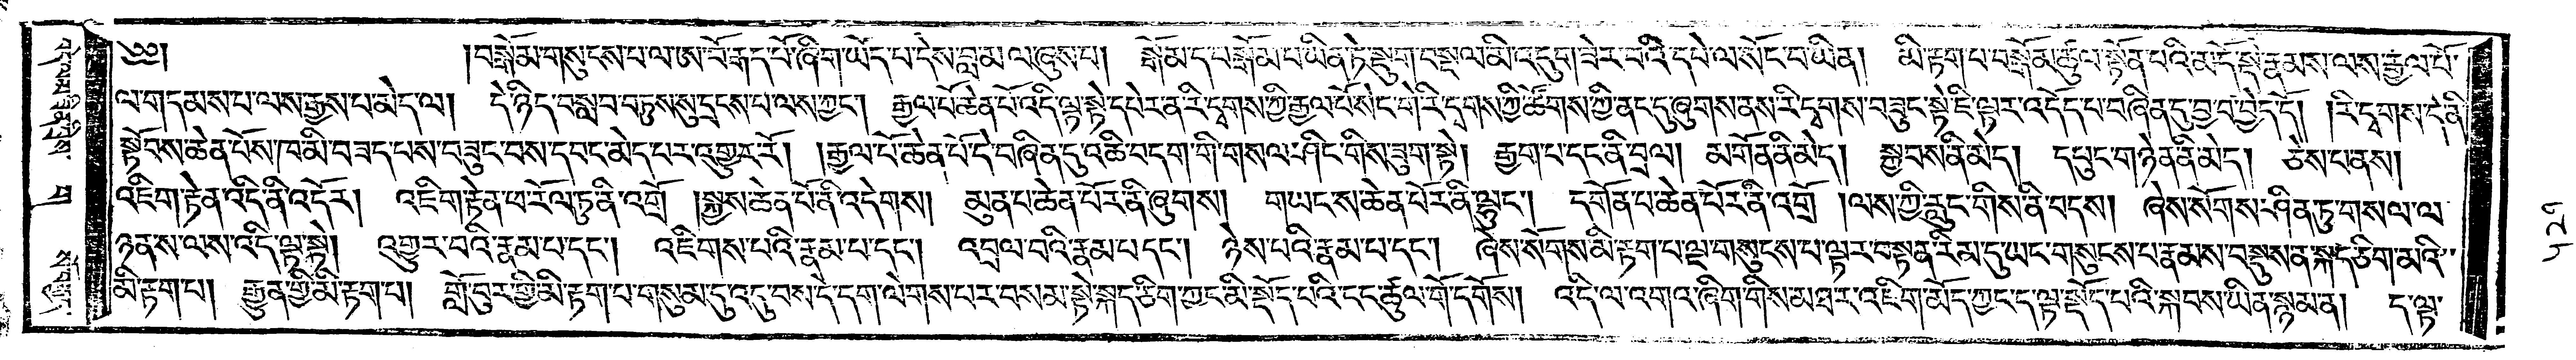༄༅། །བསྒོམ་གསུངས་པ་ལ་ཨ་བོ་རྒད་པོ་ཞིག་ཡོད་པ་དེས་བླ་མ་ལ་ཞུས་པ། སྒོམ་ད་བསྒོམ་པ་ཡིན་ཏེ་སྡུག་བསྔལ་མི་འདུག་ཟེར་བའི་དཔེ་ལ་སོང་བ་ཡིན། མི་རྟག་པ་བསྒོམ་ཚུལ་སྟོན་པའི་མདོ་སྡེ་རྣམས་ལས་རྒྱལ་པོ་
ལ་གདམས་པ་ལས་རྒྱས་པ་མེད་ལ། དེ་ཉིད་བསླབ་བཏུས་སུ་དྲངས་པ་ལས་ཀྱང་། རྒྱལ་པོ་ཆེན་པོ་འདི་ལྟ་སྟེ་དཔེར་ན་རི་དྭགས་ཀྱི་རྒྱལ་པོ་སེང་གེ་རི་དྭབས་ཀྱི་ཚོགས་ཀྱི་ནང་དུ་ཞུགས་ནས་རི་དྭགས་བཟུང་སྟེ་ཇི་ལྟར་འདོད་པ་བཞིན་དུ་བྱ་བ་བྱེད་དོ། །རི་དྭགས་དེ་ནི་
སྟོབས་ཆེན་པོས་ཁ་མི་བཟད་པས་བཟུང་བས་དབང་མེད་པར་འགྱུར་རོ། །རྒྱལ་པོ་ཆེན་པོ་དེ་བཞིན་དུ་འཆི་བདག་གི་གསལ་ཤིང་གིས་ཟུག་སྟེ། རྒྱག་པ་དང་ནི་བྲལ། མགོན་ནི་མེད། སྐྱབས་ནི་མེད། དཔུང་གཉེན་ནི་མེད། ཅེས་པ་ནས།
འཇིག་རྟེན་འདི་ནི་འདོར། འཇིག་རྟེན་ཕ་རོལ་ཏུ་ནི་འགྲོ་།སྐྱས་ཆེན་པོ་ནི་འདེགས། མུན་པ་ཆེན་པོར་ནི་ཞུགས། གཡང་ས་ཆེན་པོར་ནི་ལྷུང་། དགོན་པ་ཆེན་པོར་ནི་འགྲོ་།ལས་ཀྱི་རླུང་གིས་ནི་བདས། ཞེས་སོགས་ཤིན་ཏུ་གསལ་ལ་
ཉན་ས་ལས་འདི་ལྟ་སྟེ། འགྱུར་བའི་རྣམ་པ་དང་། འཇིགས་པའི་རྣམ་པ་དང་། འབྲལ་བའི་རྣམ་པ་དང་། ཉེས་པའི་རྣམ་པ་དང་། ཞེས་སོགས་མི་རྟག་པ་ལྔ་གསུངས་པ་ལྟར་བསྟན་རིམ་དུ་ཡང་གསུངས་པ་རྣམས་བསྡུས་ན་སྐད་ཅིག་མའི་
མི་རྟག་པ། རྒྱུན་གྱི་མི་རྟག་པ། གློ་བུར་གྱི་མི་རྟག་པ་གསུམ་དུ་འདུ་བས་དེ་དག་ལེགས་པར་བསམ་སྟེ་སྐད་ཅིག་ཀྱང་མི་སྡོད་པའི་དང་ཚུལ་གོ་དགོས། འདི་ལ་འགའ་ཞིག་གིས་མཐར་འཇིག་མོད་ཀྱང་ད་ལྟ་སྡོད་པའི་སྐབས་ཡིན་སྙམ་ན། ད་ལྟ་